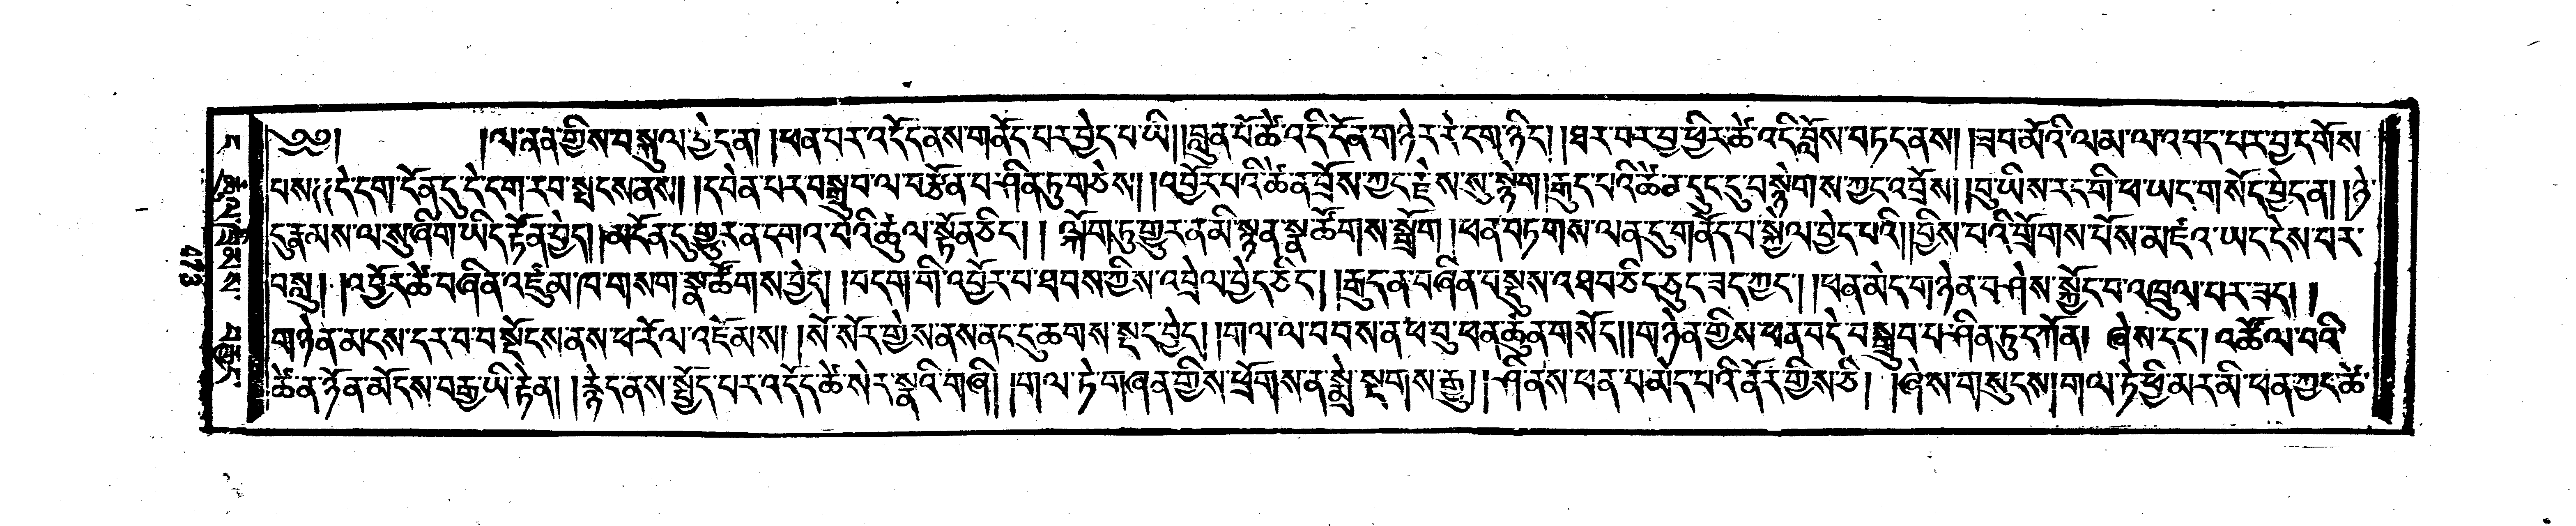༄༅། །ལ་ནན་གྱིས་བསྐུལ་བྱེད་ན། །ཕན་པར་འདོད་ནས་གནོད་པར་བྱེད་པ་ཡི། །བླུན་པོ་ཚེ་འདི་དོན་གཉེར་དེ་དག་ཉིད། །ཐར་བར་བྱ་ཕྱིར་ཚེ་འདི་བློས་བཏང་ནས། །ཟབ་མོའི་ལམ་ལ་འབད་པར་བྱ་དགོས་
པས༑ ༑དེ་དག་དོན་དུ་དེ་དག་རབ་སྤངས་ནས། །དབེན་པར་བསྒྲུབ་ལ་བརྩོན་པ་ཤིན་ཏུ་གཅེས། །འབྱོར་པའི་ཚེ་ན་བྲོས་ཀྱང་རྗེས་སུ་སྙེག །རྒུད་པའི་ཚེ་ན་དྲུང་དུ་བསྙེགས་ཀྱང་འབྲོས། །བུ་ཡིས་རང་གི་ཕ་ཡང་གསོད་བྱེད་ན། །ཉེ་
དུ་རྣམས་ལ་སུ་ཞིག་ཡིད་རྟོན་བྱེད། །མངོན་དུ་གྱུར་ན་དགའ་བའི་ཚུལ་སྟོན་ཅིང་། །ལྐོག་ཏུ་གྱུར་ན་མི་སྙན་སྣ་ཚོགས་སྒྲོག །ཕན་བཏགས་ལན་དུ་གནོད་པ་སྐྱེལ་བྱེད་པའི། །བྱིས་པའི་གྲོགས་པོས་མཛའ་ཡང་ངེས་པར་
བསླུ། །འབྱོར་ཚེ་བཞིན་འཛུམ་ཁ་གསག་སྣ་ཚོགས་བྱེད། །བདག་གི་འབྱོར་བ་ཐབས་ཀྱིས་འབྲེལ་བྱེད་ཅིང་། །རྒུད་ན་བཞིན་བསྡུས་འཐབ་ཅིང་ཅུང་ཟད་ཀྱང་། །ཕན་མེད་གཉེན་བཤེས་སྐྱོང་བ་འཁྲུལ་བར་ཟད། །
གཉེན་མངས་དར་བ་བསྡོངས་ནས་ཕ་རོལ་འཇོམས། །སོ་སོར་གྱེས་ནས་ནང་དུ་ཆགས་སྡང་བྱེད། །གལ་ལ་བབས་ན་ཕ་བུ་ཕན་ཚུན་གསོད། །གཉེན་གྱིས་ཕན་བདེ་བསྒྲུབ་པ་ཤིན་ཏུ་དཀོན། ཞེས་དང་། འཚོལ་བའི་
ཚེ་ན་ཉོན་མོངས་བརྒྱ་ཡི་རྟེན། །རྙེད་ནས་སྤྱོད་པར་འདོད་ཚེ་སེར་སྣའི་གཞི། །གལ་ཏེ་གཞན་གྱིས་ཕྲོགས་ན་སྨྲེ་སྔགས་རྒྱུ། །ཤི་ནས་ཕན་པ་མེད་པའི་ནོར་གྱིས་ཅི། །ཞེས་གསུངས། གལ་ཏེ་ཕྱི་མར་མི་ཕན་ཀྱང་ཚེ་